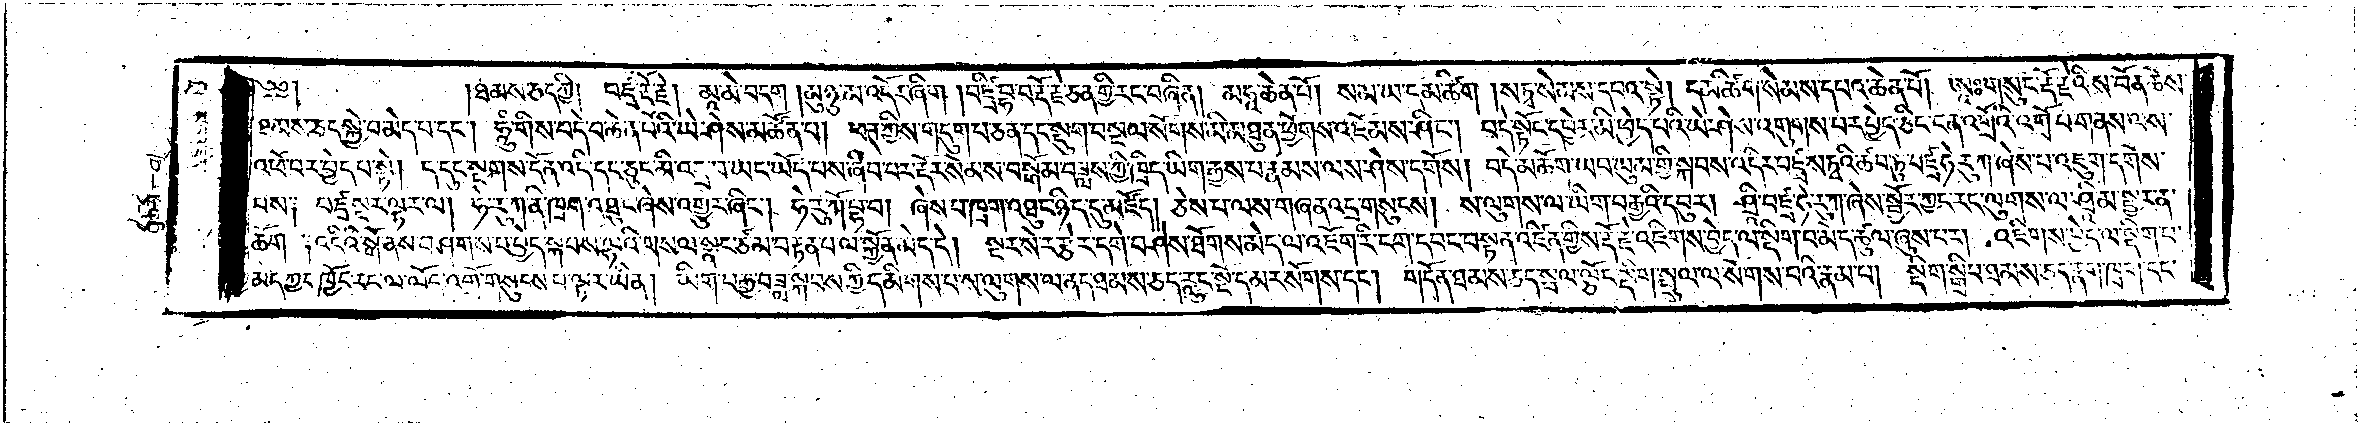༄༅། །ཐམས་ཅད་ཀྱི། བཛྲ་རྡོ་རྗེ། །མཱ་མེ་བདག །མུཉྩ་མ་འདོར་ཞིག །བཛྲི་བྷ་བ་རྡོ་རྗེ་ཅན་གྱི་རང་བཞིན། མ་ཧཱ་ཆེན་པོ། ས་མ་ཡ་དམ་ཚིག །སཏྭ་སེམས་དཔའ་སྟེ། དམ་ཚིག་སེམས་དཔའ་ཆེན་པོ། ཨཱཿ གསུང་རྡོ་རྗེའི་ས་བོན་ཆོས་
ཐམས་ཅད་སྐྱེ་བ་མེད་པ་དང་། ཧཱུཾ་གིས་བདེ་བ་ཆེན་པོའི་ཡེ་ཤེས་མཚོན་པ། །ཕཊ་ཀྱིས་གདུག་པ་ཅན་དང་སྡུག་བསྔལ་སོགས་མི་མཐུན་ཕྱོགས་འཇོམས་ཤིང་། བདེ་སྟོང་དབྱེར་མི་ཕྱེད་པའི་ཡེ་ཤེས་འགུགས་པར་བྱེད་ཅིང་ངན་འགྲོའི་འགྲོ་བ་གནས་ལས་
འཕོ་བར་བྱེད་པ་སྟེ། ད་དུང་སྔགས་དོན་འདི་དང་ཆུང་མི་འདྲ་བ་ཡང་ཡོད་པས་ཞིབ་བར་རྡོར་སེམས་བསྒོམ་བཟླས་ཀྱི་ཁྲིད་ཡིག་རྒྱས་པ་རྣམས་ལས་ཤེས་དགོས། བདེ་མཆོག་ཡབ་ཡུམ་གྱི་སྐབས་འདིར་བཛྲ་སཏྭའི་ཚབ་ཏུ་བཛྲ་ཧེ་རུ་ཀ་ཞེས་པ་འཇུག་དགོས་
པས༑ བཛྲ་སྔར་ལྟར་ལ། ཧེ་རུ་ཀ་ནི་ཁྲག་འཐུང་ཞེས་འགྱུར་ཞིང་། ཧེ་རུ་ཀོ་བྷ་བ། ཞེས་པ་ཁྲག་འཐུང་ཉིད་དུ་མཛོད། ཅེས་པ་ལས་གཞན་འདྲ་གསུངས། ས་ལུགས་ལ་ཡིག་བརྒྱའི་དབུར། ཤྲཱི་བཛྲ་ཧེ་རུ་ཀ་ཞེས་སྦྱོར་ཀྱང་རང་ལུགས་ལ་ཤྲཱི་མ་སྦྱར་ན་
ཆོག ༑འདིའི་སྒོ་ནས་བཤགས་པ་བྱེད་སྐབས་ལྷའི་གསལ་སྣང་ཙམ་བརྟན་པ་ལ་སྐྱོན་མེད་དེ། སྔར་སེར་རྩེར་དགེ་བཤེས་ཐོགས་མེད་ལ་འཇོག་རི་ངག་དབང་བསྟན་འཛིན་གྱིས་རྡོ་རྗེ་འཇིགས་བྱེད་ལ་སྡིག་པ་མེད་ཚུལ་ཞུས་པར། འཇིགས་བྱེད་ལ་སྡིག་པ་
མེད་ཀྱང་ཁྱོད་རང་ལ་ཡོད་འགྲོ་གསུངས་པ་ལྟར་ཡིན། ཡིག་བརྒྱ་བཟླ་སྐབས་ཀྱི་དམིགས་པ་ས་ལུགས་ལ་ནད་ཐམས་ཅད་རླུང་སྔོ་དམར་སོགས་དང་། གདོན་ཐམས་ཅད་སྦལ་ལྕོང་སྡིག་སྤྲུལ་ལ་སོགས་པའི་རྣམ་པ། སྡིག་སྒྲིབ་ཐམས་ཅད་རྣག་ཁྲག་དང་